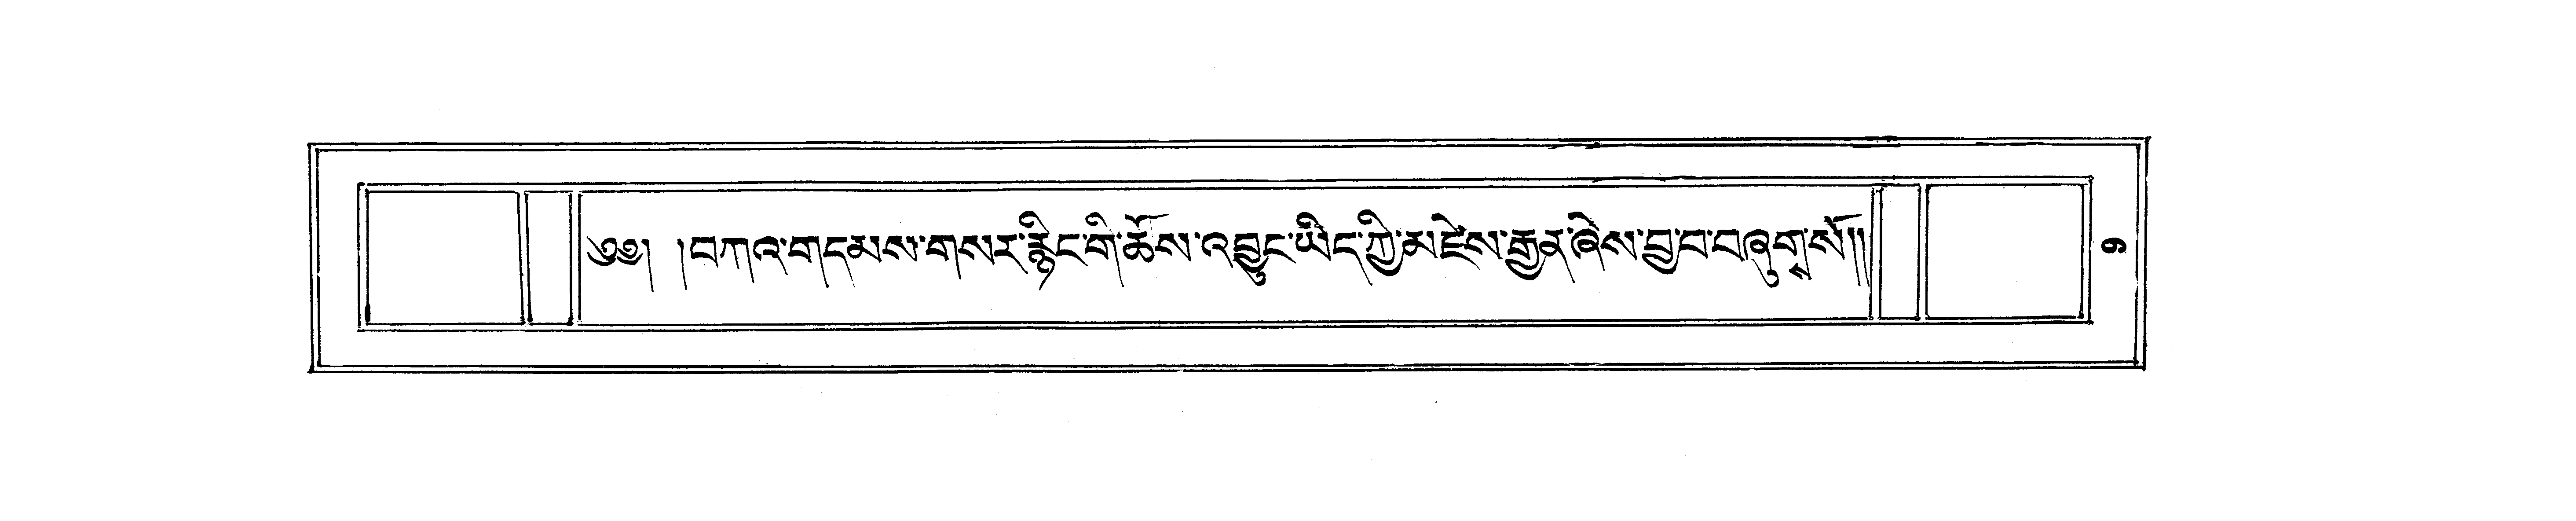༄༅། །བཀའ་གདམས་གསར་རྙིང་གི་ཆོས་འབྱུང་ཡིད་ཀྱི་མཛེས་རྒྱན་ཞེས་བྱ་བ་བཞུགས་སོ།།